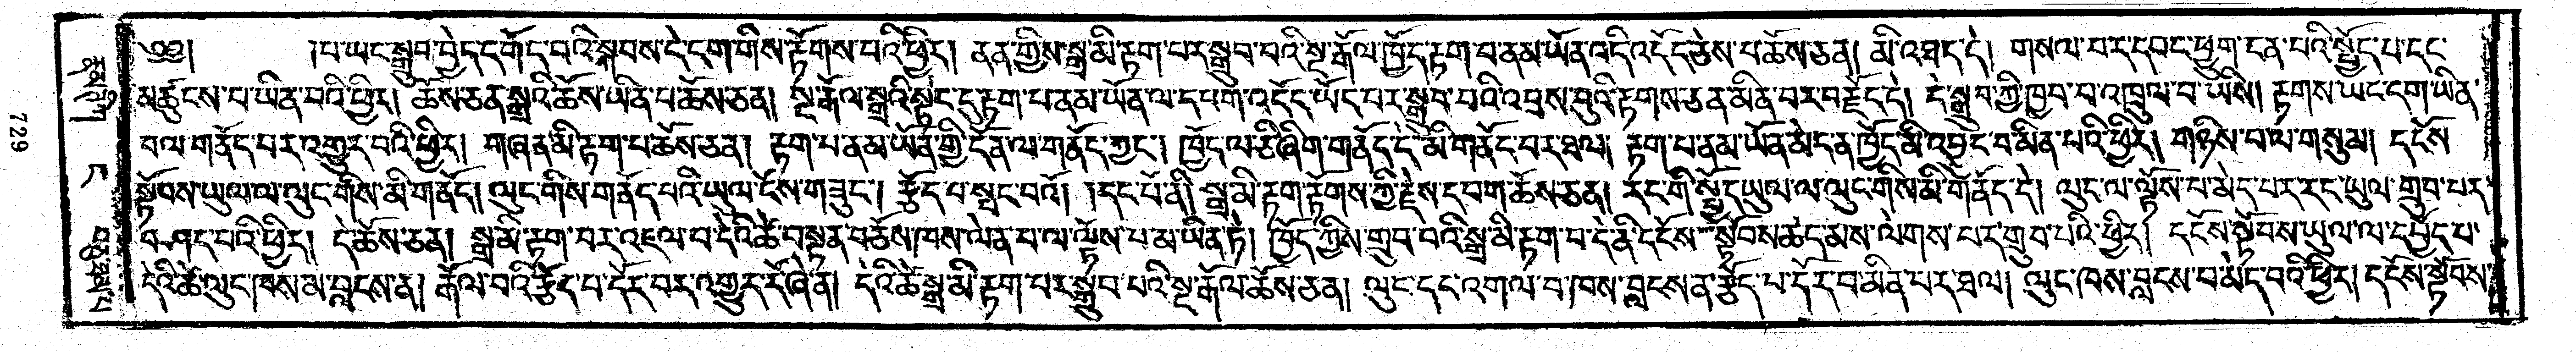༄༅། །པ་ཡང་སྒྲུབ་བྱེད་དགོད་པའི་སྐབས་དེ་དག་གིས་རྟོགས་པའི་ཕྱིར། ནན་གྱིས་སྒྲ་མི་རྟག་པར་སྒྲུབ་པའི་སྔ་རྒོལ་ཁྱོད་རྟག་པ་ནམ་ཡོན་འདི་འདོད་ཅེས་པ་ཆོས་ཅན། མི་འཐད་དེ། གསལ་བར་དབང་ཕྱུག་ངན་པའི་སྤྱོད་པ་དང་
མཚུངས་པ་ཡིན་པའི་ཕྱིར། ཆོས་ཅན་སྒྲའི་ཆོས་ཡིན་པ་ཆོས་ཅན། སྔ་རྒོལ་སྒྲའི་སྟེང་དུ་རྟག་པ་ནམ་ཡོན་ལ་དཔག་འདོད་ཡོད་པར་སྒྲུབ་པའི་འབྲས་བུའི་རྟགས་ཅན་མིན་བར་བརྗོད་དེ། དེ་སྒྲུབ་ཀྱི་ཁྱབ་པ་འཁྲུལ་བ་ཡིས། རྟགས་ཡང་དག་ཡིན་
བལ་གནོད་པར་འགྱུར་བའི་ཕྱིར། གཞན་མི་རྟག་པ་ཆོས་ཅན། རྟག་པ་ནམ་ཡོན་གྱི་དོན་ལ་གནོད་ཀྱང་། ཁྱོད་ལ་ཅི་ཞིག་གནོད་དེ་མི་གནོད་པར་ཐལ། རྟག་པ་ནམ་ཡོན་མེད་ན་ཁྱོད་མི་འབྱུང་བ་མིན་པའི་ཕྱིར། གཉིས་བ་ལ་གསུམ། དངོས་
སྟོབས་ཡུལ་ལ་ལུང་གིས་མི་གནོད། ལུང་གིས་གནོད་པའི་ཡུལ་ངོས་གཟུང་། རྩོད་པ་སྤང་བའོ། །དང་པོ་ནི། སྒྲ་མི་རྟག་རྟོགས་ཀྱི་རྗེས་དཔག་ཆོས་ཅན། རང་གི་སྤྱོད་ཡུལ་ལ་ལུང་གིས་མི་གནོད་དེ། ལུང་ལ་ལྟོས་པ་མེད་པར་རང་ཡུལ་གྲུབ་པར་
བཤད་པའི་ཕྱིར། དེ་ཆོས་ཅན། སྒྲ་མི་རྟག་པར་འཇལ་བ་དེའི་ཚེ་བསྟན་བཅོས་ཁས་ལེན་པ་ལ་ལྟོས་པ་མ་ཡིན་ཏེ། ཁྱོད་ཀྱིས་གྲུབ་པའི་སྒྲ་མི་རྟག་པ་དེ་ནི་དངོས་སྟོབས་ཚད་མས་ལེགས་པར་གྲུབ་པའི་ཕྱིར། དངོས་སྟོབས་ཡུལ་ལ་དཔྱོད་པ་
དེའི་ཚེ་ལུང་ཁས་མ་བླངས་ན། རྒོལ་བའི་རྩོད་པ་དོར་བར་འགྱུར་རོ་ཞེ་ན། དེའི་ཚེ་སྒྲ་མི་རྟག་པར་སྒྲུབ་པའི་སྔ་རྒོལ་ཆོས་ཅན། ལུང་དང་འགལ་བ་ཁས་བླངས་ན་རྩོད་པ་དོར་བ་མིན་པར་ཐལ། ལུང་ཁས་བླངས་པ་མེད་པའི་ཕྱིར། དངོས་སྟོབས་